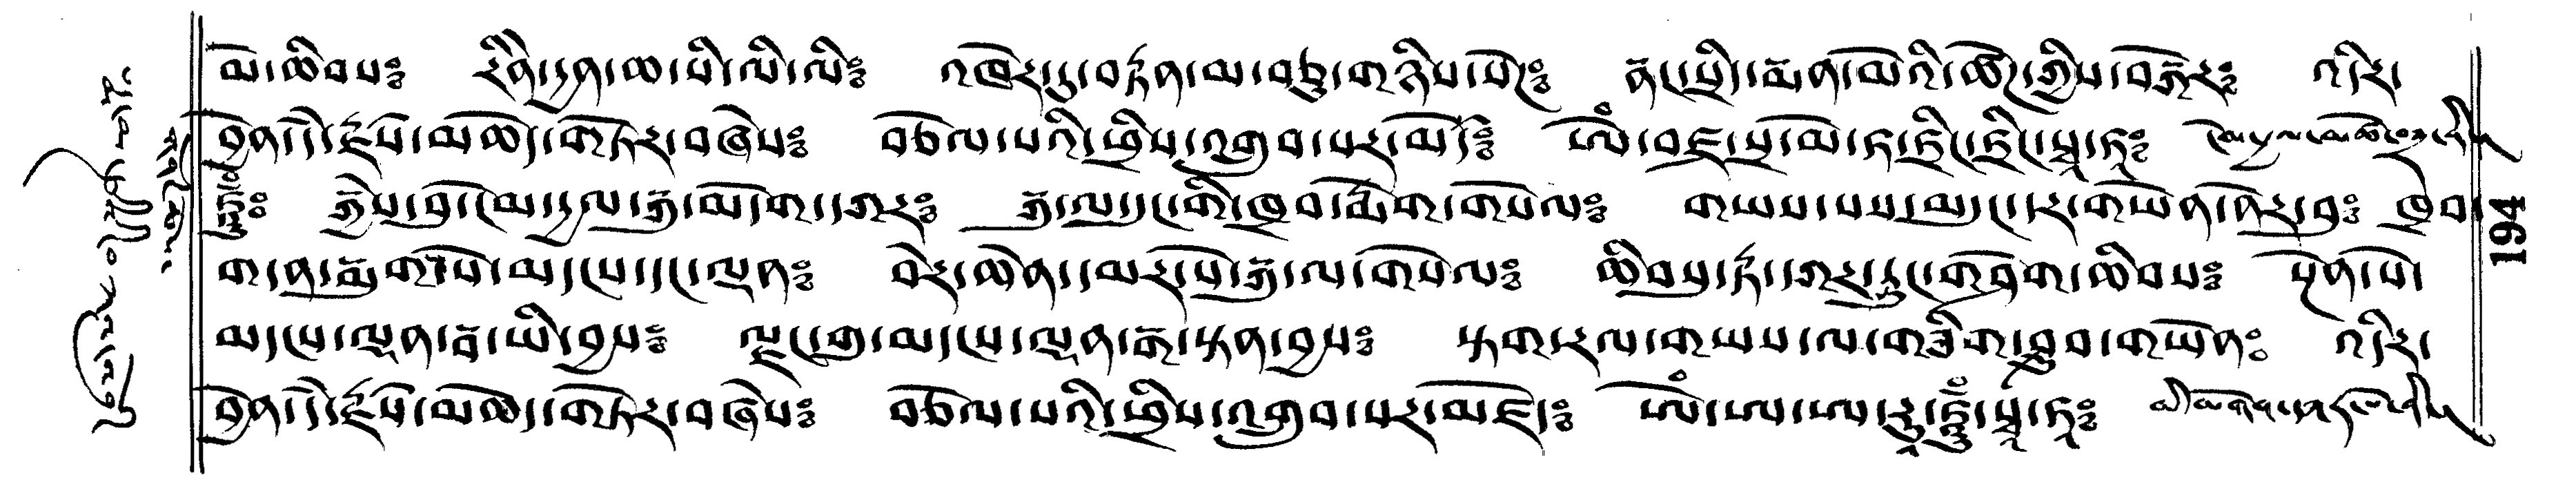མོ་ཆིབས༔ རིན་ཆེན་རྒྱན་ཆ་སི་ལི་ལི༔ འཁོར་དུ་བརྟན་མ་བཅུ་གཉིས་སོགས༔ སྣང་སྲིད་སྨན་མོའི་ཚོགས་ཀྱིས་བསྐོར༔ འདིར་
བྱོན་དམ་རྫས་མཆོད་གཏོར་བཞེས༔ བཅོལ་པའི་ཕྲིན་ལས་འགྲུབ་པར་མཛོད༔ ཨོཾ་བཛྲ་པྲ་མོ་ཧ་ཧྲིཾ་ཧྲིཾ་སྭ་ཧཱ༔ ངོམ་རྒྱལ་མཚོ་བཀྲ་ནི། 
ཧཱུྃཿ སྐྱེས་བུ་ངོམ་རྒྱལ་སྐུ་མདོག་དཀར༔ སྐུ་ལ་དུང་གི་ཁྲབ་རྨོག་གསོལ༔ གཡས་པས་མདུང་དར་གཡོན་ནོར་བུ༔ ཁྲབ་
གདན་སྨུག་པོ་མདངས་དང་ལྡན༔ བེར་ཆེན་དམར་པོ་སྐུ་ལ་གསོལ༔ ཆིབས་སུ་རྟ་དཀར་རླུང་གཤོག་ཆིབས༔ སྔོན་པོ་
མདངས་ལྡན་སྦ་ཡི་བྱས༔ ལྗང་གུ་མདངས་ལྡན་སྒ་སྟན་བྱས༔ སྟག་རལ་གཡས་ལ་གཟིག་ཤུབས་གཡོན༔ འདིར་
བྱོན་དམ་རྫས་མཆོད་གཏོར་བཞེས༔ བཅོལ་པའི་ཕྲིན་ལས་འགྲུབ་པར་མཛོད༔ ཨོཾ་ཨ་ཨ་རུ་ཧཱུྃ་སྭ་ཧཱ༔ མི་མགོན་དཀར་པོ་ནི།